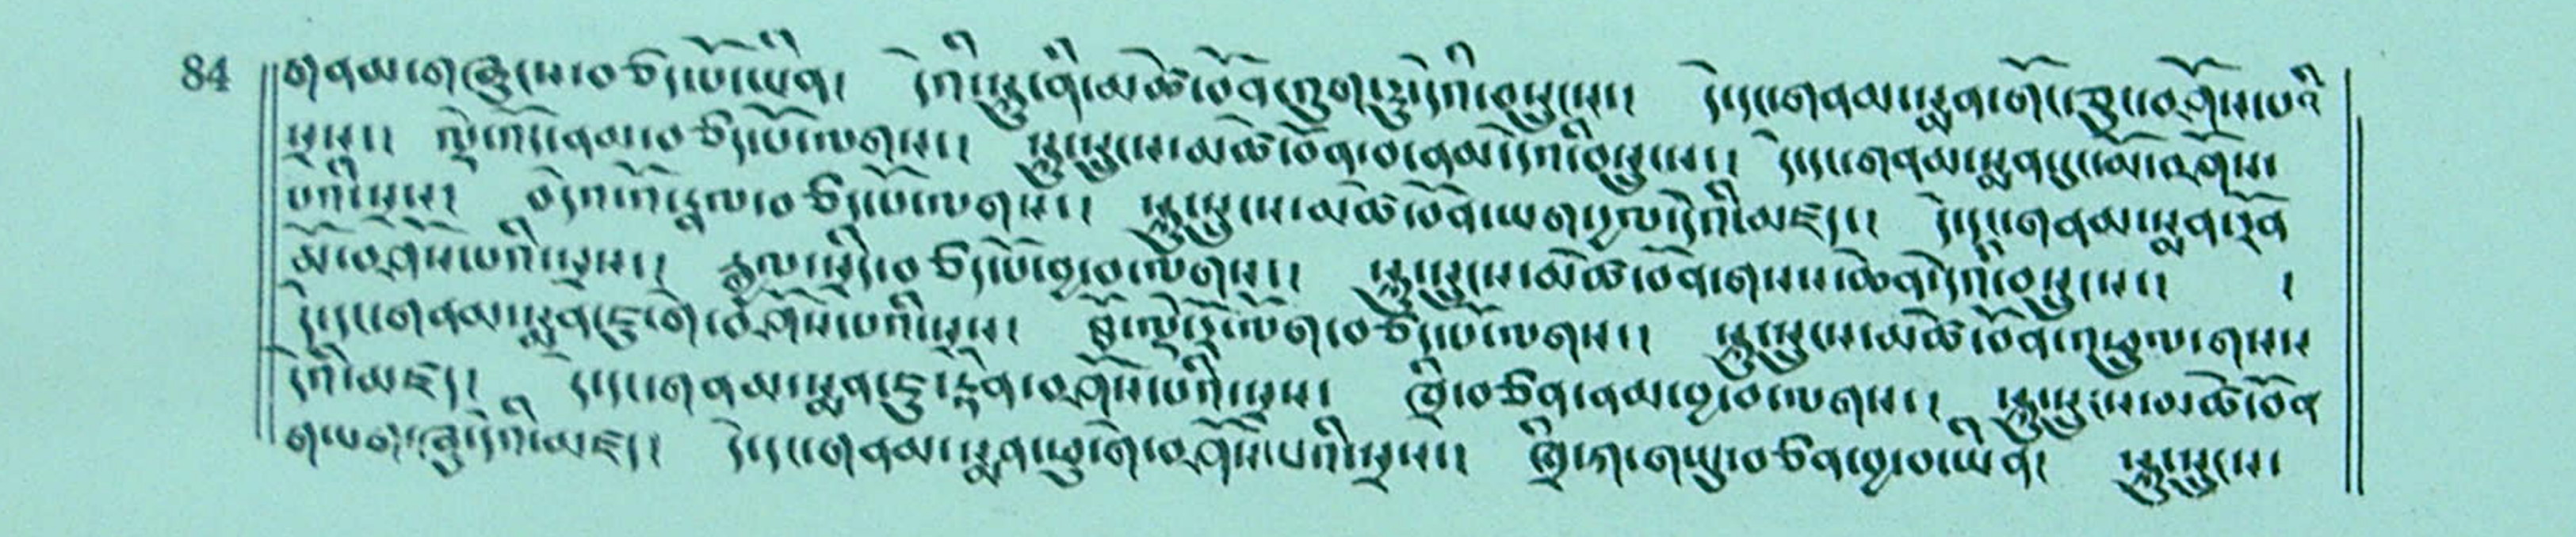གནམ་གཞུང་བཙད་པོ་ཡིན། དེའི་སྐུ་ནི་མཚེ་བོན་འུག་རུ་དེའི་བསྲུངས། དེ་དང་གནམ་སྨན་གོང་ཅུང་བཤོས་པའི་
སྲས། ལྡེ་འོད་ནམ་བཙད་པོ་བྱ་བ་ལགས། སྐུ་བསྲུངས་མཚེ་བོན་བ་ནམ་དེ་ཡིས་བསྲུངས། དེ་དང་གནམ་སྨན་དུང་མོ་བཤོས་
པའི་སྲས། བདེའ་འོ་རྣལ་བཙད་པོ་ལགས། སྐུ་བསྲུངས་མཚེ་བོན་ཡག་རྒྱལ་དེ་ཡིས་མཛད། དེ་དང་གནམ་སྨན་རོན་
མོ་བཤོས་པའི་སྲས། རྒྱལ་སྲིད་བཙད་པོ་བྱ་བ་ལགས། སྐུ་བསྲུངས་མཚེ་བོན་གསས་ཆེན་དེ་ཡིས་བསྲུངས།
 དེ་དང་གནམ་སྨན་ཇུ་གེ་བཤོས་པའི་སྲས། ཐོ་ལྡེ་རོ་ལོག་གཙད་པོ་ལགས། སྐུ་བསྲུངས་མཚེ་བོན་འཕྲུལ་གསས་
དེའི་མཛད། དེ་དང་གནམ་སྨན་ཇུ་རྟེན་བཤོས་པའི་སྲས། ཁྲི་བཙན་ནམ་བྱ་བ་ལགས། སྐུ་བསྲུངས་མཚེ་བོན་
གཡག་ཞུ་དེའི་མཛད། དེ་དང་གནམ་སྨན་ཕུ་གེ་བཤོས་པའི་སྲས། ཁྲི་ཀ་གཡུ་བཙན་བྱ་བ་ཡིན། སྐུ་བསྲུངས་